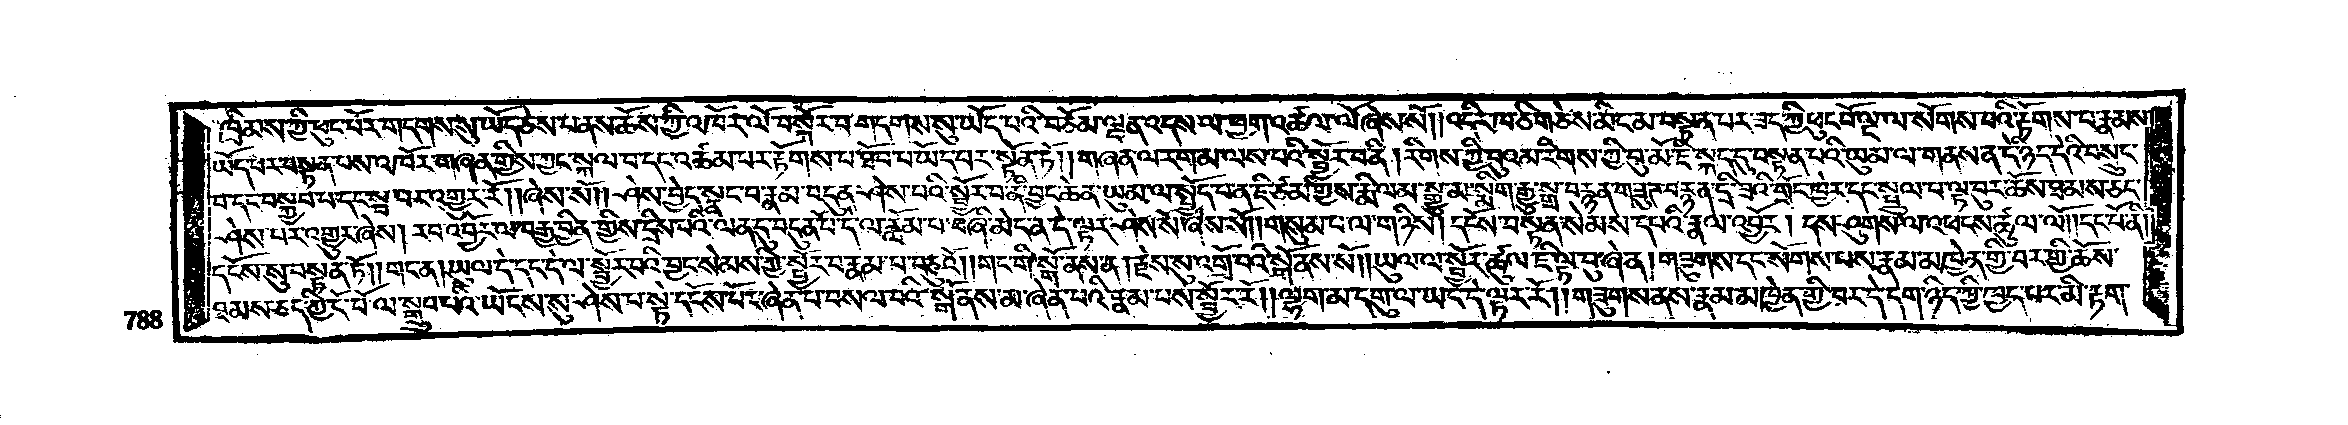ཁྲིམས་ཀྱི་ཕུང་པོར་གདགས་སུ་ཡོད་ཅེས་པ་ནས་ཆོས་ཀྱི་འཁོར་ལོ་བསྐོར་བ་གདགས་སུ་ཡོད་པའི་བཅོམ་ལྡན་འདས་ལ་ཕྱག་འཚལ་ལོ་ཞེས་སོ། །འདིར་ཁ་ཅིག་ཅེས་མིང་མ་བསྟན་པར་ཟད་ཀྱི་ཕུང་པོ་ལྔ་ལ་སོགས་པའི་རྟོགས་པ་རྣམས་
ཡོད་པར་བསྟན་པས་འཁོར་གཞན་གྱིས་ཀྱང་སྐལ་བ་དང་འཚམ་པར་རྟོགས་པ་ཐོབ་པ་ཡོད་པར་སྟོན་ཏོ། །གཞན་ལ་རག་མ་ལས་པའི་སྦྱོར་བ་ནི། རིགས་ཀྱི་བུའམ་རིགས་ཀྱི་བུ་མོ་ཇི་སྐད་དུ་བསྟན་པའི་ཡུམ་ལ་གནས་ན་དེ་ཉིད་དེའི་བསྲུང་
བ་དང་བསྐྱབ་པ་དང་སྦ་བར་འགྱུར་རོ། །ཞེས་སོ། །ཤེས་བྱེད་སྣང་བ་རྣམ་བདུན་ཤེས་པའི་སྦྱོར་བ་ནི་བྱང་ཆེན་ཡུམ་ལ་སྤྱོད་པ་ན་ཇི་ཙམ་གྱིས་རྨི་ལམ་སྒྱུ་མ་སྨིག་རྒྱུ་སྒྲ་བརྙན་གཟུགས་བརྙན་དྲི་ཟའི་གྲོང་ཁྱེར་དང་སྤྲུལ་པ་ལྟ་བུར་ཆོས་ཐམས་ཅད་
ཤེས་པར་འགྱུར་ཞེས། རབ་འབྱོར་ལ་བརྒྱ་བྱིན་གྱིས་དྲིས་པའི་ལེན་དུ་བདུན་པོ་དེ་ལ་རློམ་པ་བཞི་མེད་ན་དེ་ལྟར་ཤེས་སོ་ཞེས་སོ། །གསུམ་པ་ལ་གཉིས། དངོས་བསྟན་སེམས་དཔའི་རྣལ་འབྱོར། དེས་ཤུགས་ལ་འཕངས་ཚུལ་ལོ། །དང་པོ་ནི།
དངོས་སུ་བསྟན་ཏོ། །གང་ན། ཡུལ་དེ་དང་དེ་ལ་སྦྱོར་བའི་བྱང་སེམས་ཀྱི་སྦྱོར་བ་རྣམ་པ་བཅུའོ། །གང་གི་སྒོ་ནས་ན། རྗེས་སུ་འགྲོ་བའི་སྒོ་ནས་སོ། །ཡུལ་ལ་སྦྱོར་ཚུལ་ཇི་ལྟ་བུ་ཞེ་ན། གཟུགས་དང་སོགས་པས་རྣམ་མཁྱེན་གྱི་བར་གྱི་ཆོས་
ཐམས་ཅད་ཀྱི་ངོ་བོ་ལ་སྒྲུབ་པའི་ཡོངས་སུ་ཤེས་པ་སྟེ་དངོས་པོར་ཞེན་པ་བསལ་བའི་སྒོ་ནས་མ་ཞེན་པའི་རྣམ་པས་སྦྱོར་རོ། །ལྷག་མ་དགུ་ལ་ཡང་དེ་ལྟར་རོ། །གཟུགས་ནས་རྣམ་མཁྱེན་གྱི་བར་དེ་དག་ཉིད་ཀྱི་ཁྱད་པར་མི་རྟག་